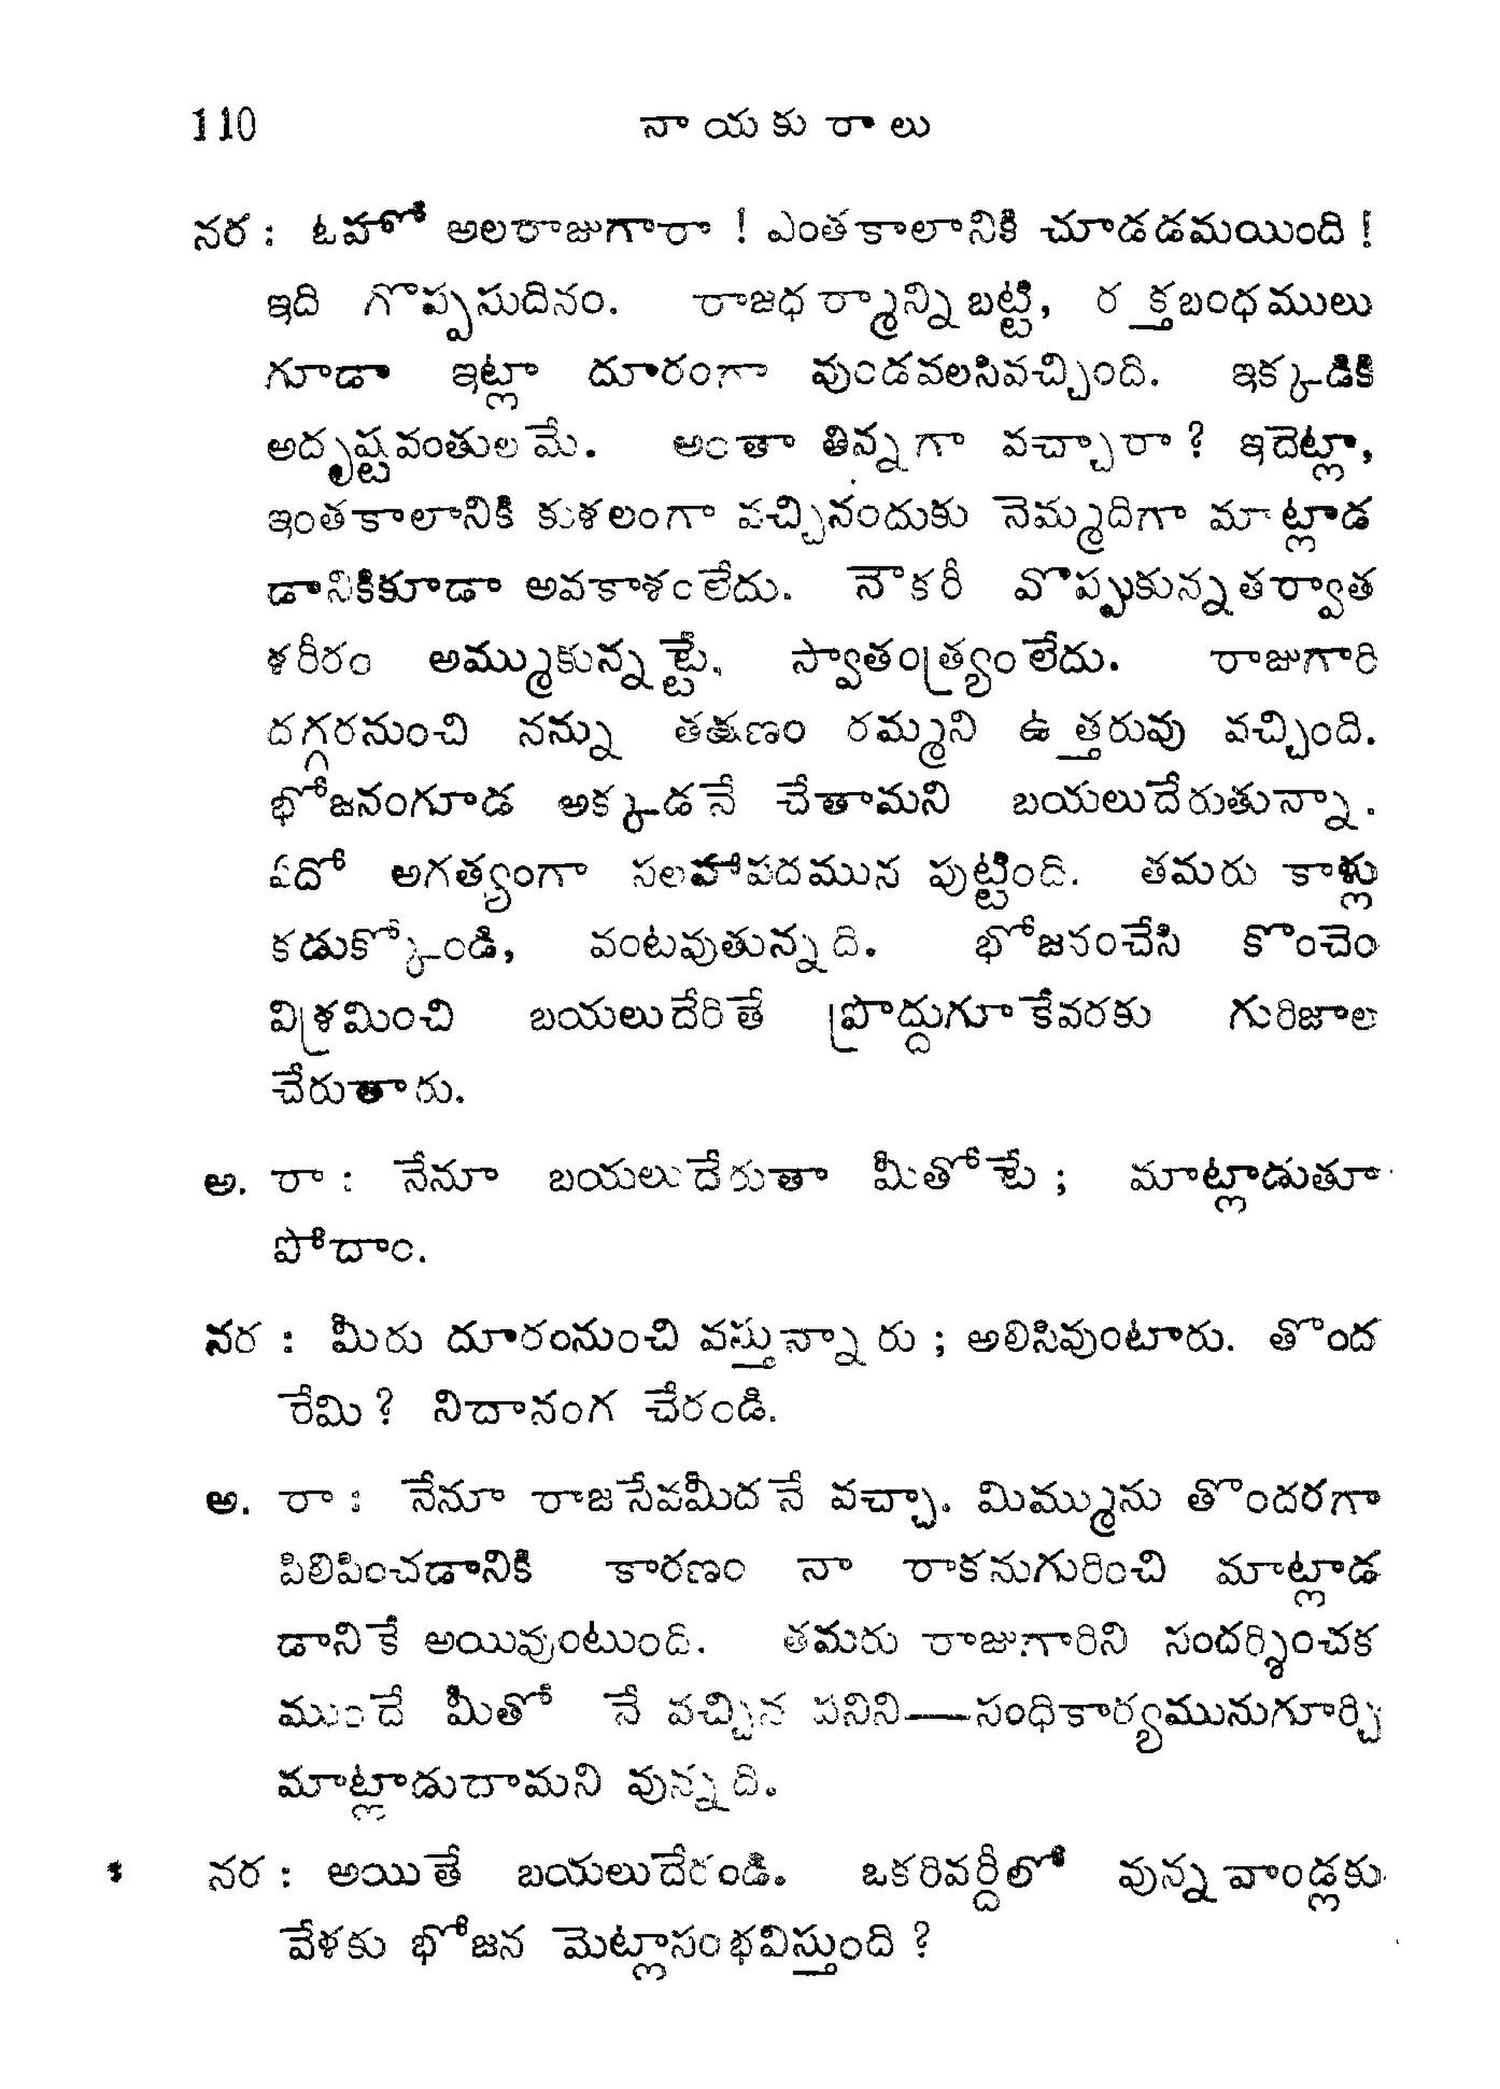నర : ఓహో అలరాజుగారా ! ఎంతకాలానికి చూడడమయింది ! ఇది గొప్పసుదినం. రాజధర్మాన్నిబట్టి, రక్తబంధములు గూడా ఇట్లా దూరంగా వుండవలసివచ్చింది. ఇక్కడికి అదృష్టవంతులమే. అంతా తిన్నగా వచ్చారా? ఇదెట్లా, ఇంతకాలానికి కుశలంగా వచ్చినందుకు నెమ్మదిగా మాట్లాడడానికికూడా అవకాశంలేదు. నౌకరీ వొప్పుకున్నతర్వాత శరీరం అమ్ముకున్నట్టే, స్వాతంత్ర్యంలేదు. రాజుగారి
దగ్గరనుంచి నన్ను తక్షణం రమ్మని ఉత్తరువు వచ్చింది. భోజనంగూడ అక్కడనే చేతామని బయలుదేరుతున్నా. ఏదో అగత్యంగా సలహాపదమున పుట్టింది. తమరు కాళ్లు కడుక్కోండి, వంటవుతున్నది. భోజనంచేసి కొంచెం విశ్రమించి బయలుదేరితే ప్రొద్దుగూకేవరకు గురిజాల చేరుతారు.

అ. రా : నేనూ బయలుదేరుతా మీతోటే ; మాట్లాడుతూ పోదాం.

నర : మీరు దూరంనుంచి వస్తున్నారు ; అలిసివుంటారు. తొంద రేమి? నిదానంగ చేరండి.

అ. రా : నేనూ రాజ సేవమీదనే వచ్చా. మిమ్మును తొందరగా పిలిపించడానికి కారణం నా 
రాకనుగురించి మాట్లాడడానికే అయివుంటుంది. తమరు రాజుగారిని సందర్శించక ముందే మీతో నే వచ్చిన పనిని – సంధికార్యమునుగూర్చి మాట్లాడుదామని వున్నది.

నర : అయితే బయలుదేరండి. ఒక రివర్దీలో వున్నవాండ్లకు వేళకు భోజన మెట్లాసంభవిస్తుంది ?